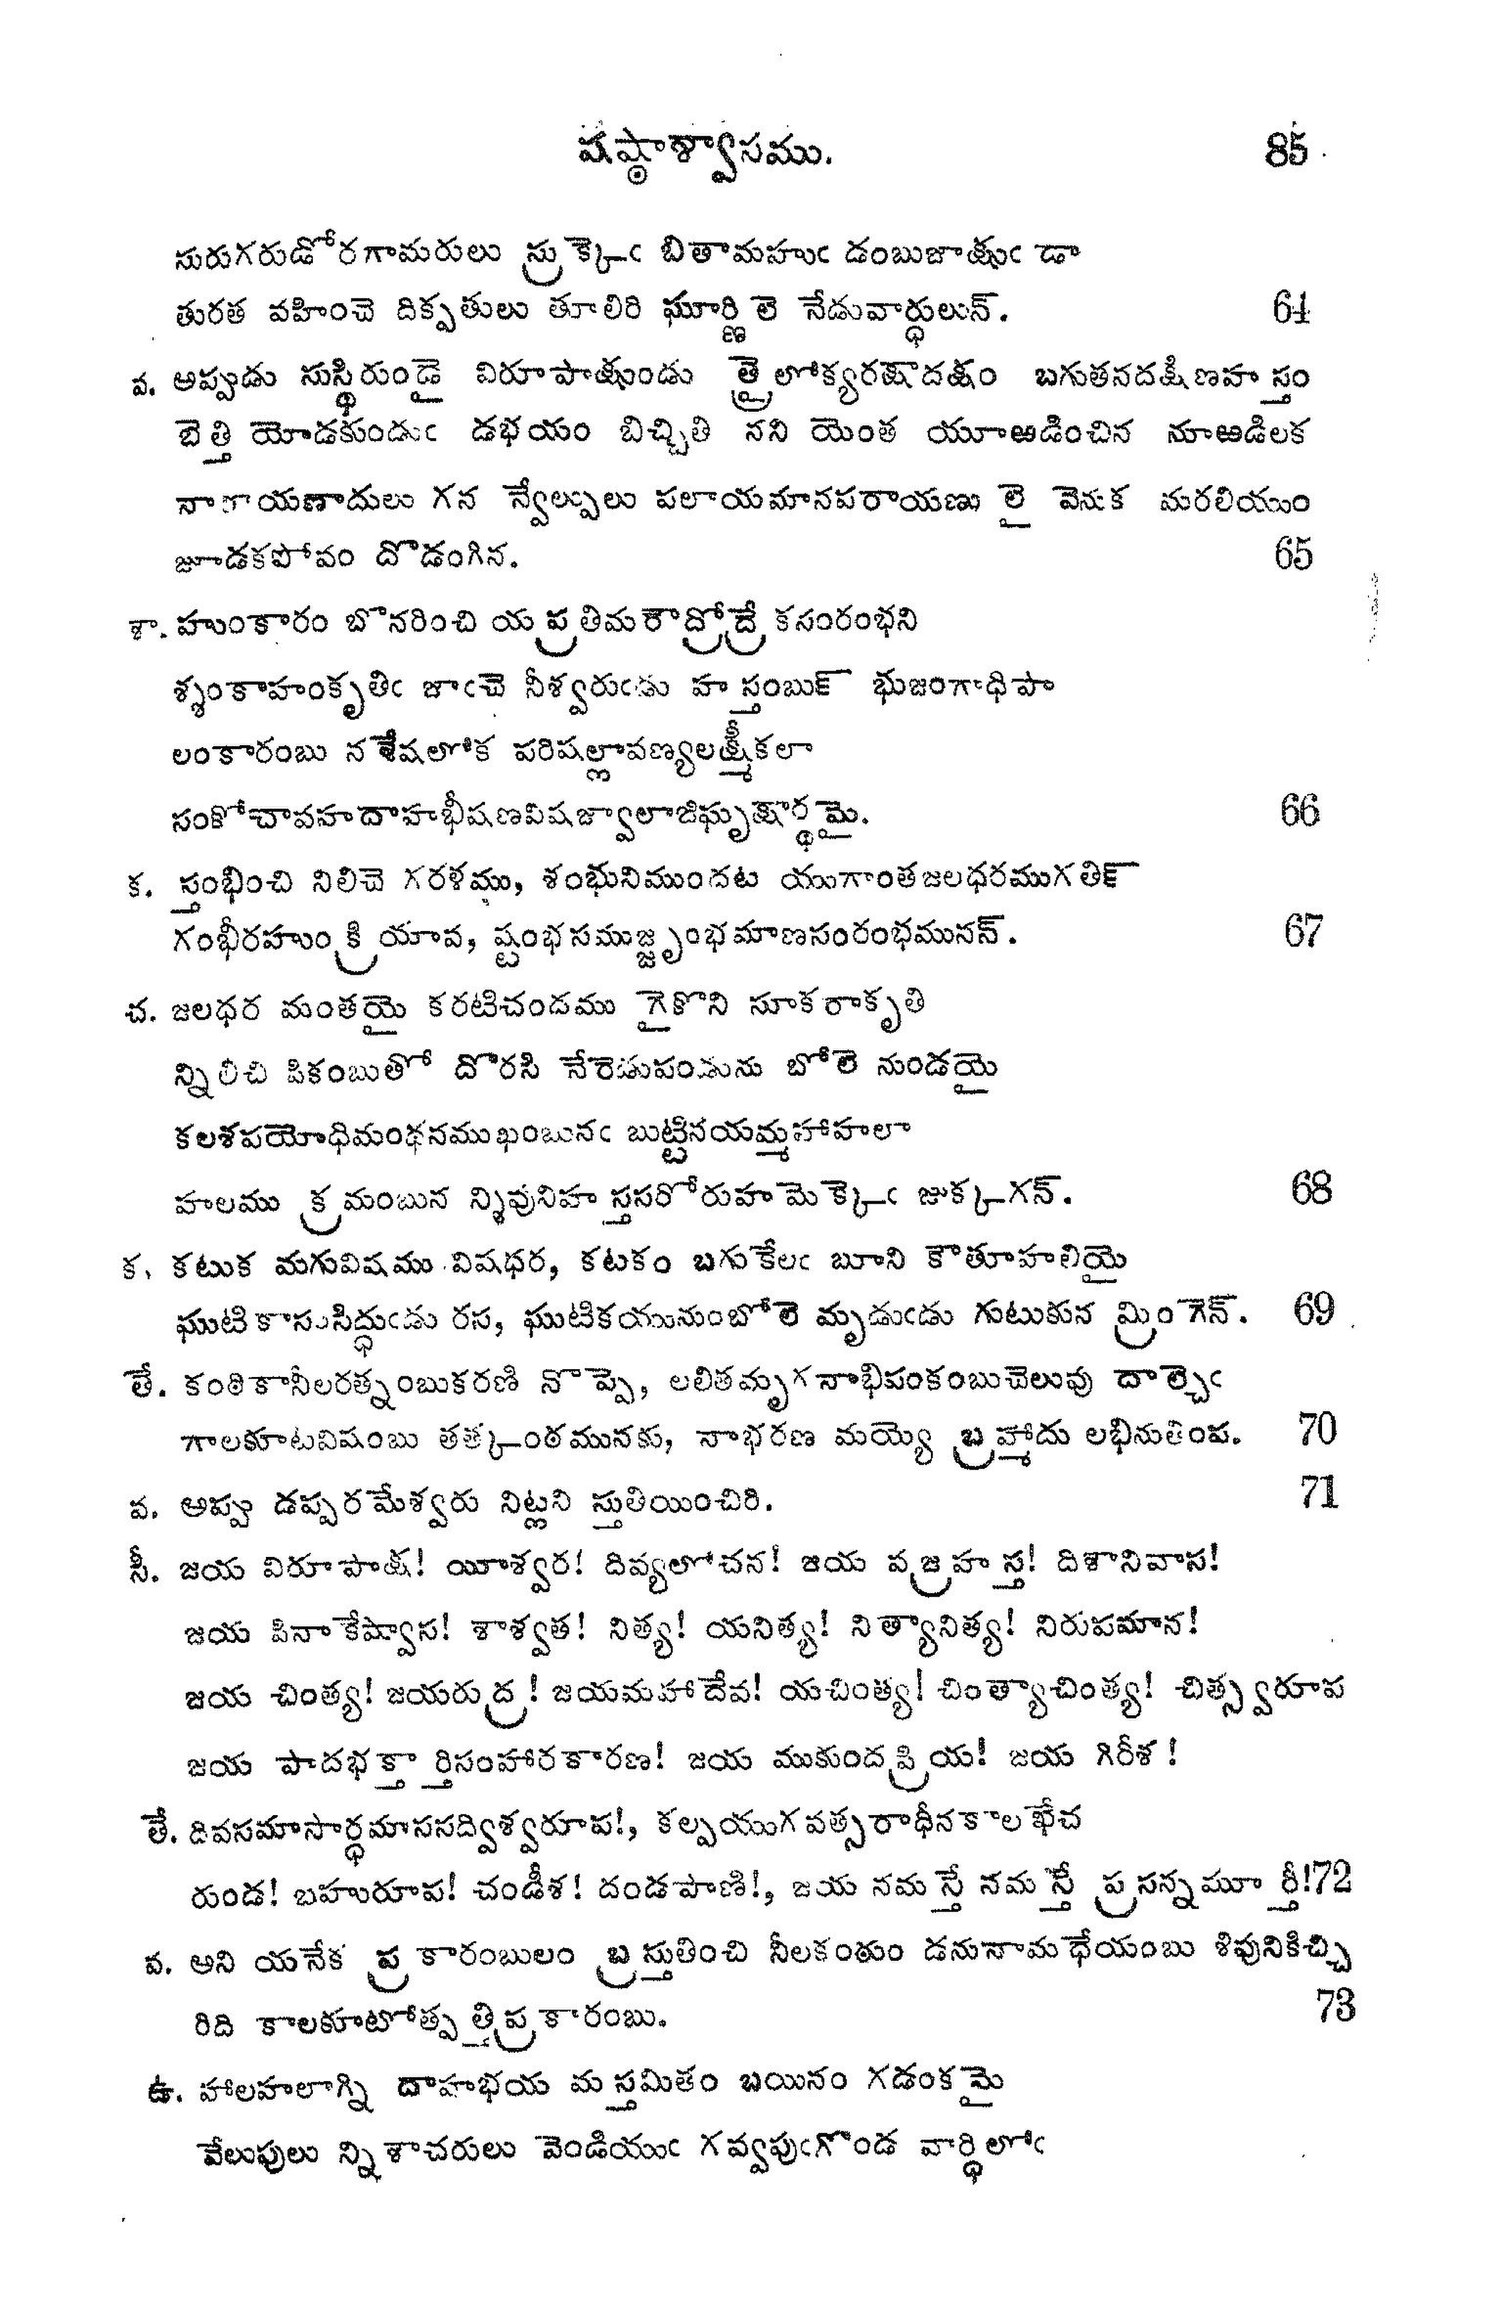సురుగరుడోరగామరులు స్రుక్కెఁ బితామహుఁ డంబుజాక్షుఁ డా
తురత వహించె దిక్పతులు తూలిరి ఘూర్ణిలె నేడువార్డులున్. 64

వ. అప్పుడు సుస్థిరుండై విరూపాక్షుండు త్రైలోక్యరక్షాదక్షం బగుతనదక్షిణహస్తం బెత్తి యోడకుండుఁ డభయం బిచ్చితి నని యెంత యూఱడించిన నూఱడిలక నారాయణాదులు గన న్వేల్పులు పలాయమానపరాయణు లై వెనుక మరలియుం జూడకపోవం దొడంగిన. 65

శా. హుంకారం బొనరించి యప్రతిమరౌద్రోద్రేకసంరంభని
శ్శంకాహంకృతిఁ జాఁచె నీశ్వరుఁడు హస్తంబున్ భుజంగాధిపా
లంకారంబు నశేషలోకపరిషల్లావణ్యలక్ష్మీకలా
సంకోచావహదాహభీషణవిష లాజిఘృక్షార్థమై. 66

క. స్తంభించి నిలిచె గరళము, శంభునిముందట యుగాంతజలధరముగతిన్
గంభీరహుంక్రియావ, ష్టంభసముజ్జృంభమాణసంరంభమునన్. 67

చ. జలధర మంతయై కరటిచందము గైకొని సూకరాకృతి
న్నిలిచి పికంబుతో దొరసి నేరెడుపండును బోలె నుండయై
కలశపయోధిమంథనముఖంబునఁ బుట్టినయమ్మహాహలా
హలము క్రమంబున న్శివునిహస్తసరోరుహ మెక్కెఁ జుక్కగన్. 68

క. కటుక మగువిషము విషధర, కటకం బగుకేలఁ బూని కౌతూహలియై
ఘుటికాసంసిద్ధుఁడు రస, ఘుటికయునుంబోలె మృడుఁడు గుటుకున మింగెన్. 69

తే. కంఠికానీలరత్నంబుకరణి నొప్పె, లలితమృగనాభిపంకంబు చెలువు దాల్చెఁ
గాలకూటవిషంబు తత్కంఠమునకు, నాభరణ మయ్యె బ్రహ్లాదు లభినుతింప. 70

వ. అప్పు డప్పరమేశ్వరు నిట్లని స్తుతియించిరి. 71

సీ. జయ విరూపాక్ష! యీశ్వర! దివ్యలోచన! జయ వజ్రహస్త! దిశానివాస!
జయ పినాకేష్వాస! శాశ్వత! నిత్య! యనిత్య! నిత్యానిత్య! నిరుపమాన !
జయ చింత్య! జయ రుద్ర ! జయ మహాదేవ! యచింత్య ! చింత్యాచింత్య! చిత్స్వరూప!
జయ పాదభక్తార్తిసంహారకారణ! జయ ముకుందప్రియ! జయ గిరీశ!
తే. దివసమాసార్ధమాససద్విశ్వరూప!, కల్పయుగవత్సరాధీనకాలఖేచ
రుండ! బహురూప! చండీశ ! దండపాణి!, జయ నమస్తే నమస్తే ప్రసన్నమూ ర్తీ! 72

వ. అని యనేకప్రకారంబులం బ్రస్తుతించి నీలకంఠుం డనునామధేయంబు శివుని కిచ్చి రిది కాలకూటోత్పత్తిప్రకారంబు. 73

ఉ. హాలహలాగ్నిదాహభయ మస్తమితం బయినం గడంకమై
వేలుపులు న్నిశాచరులు వెండియుఁ గవ్వపుఁగొండ వార్ధిలోఁ